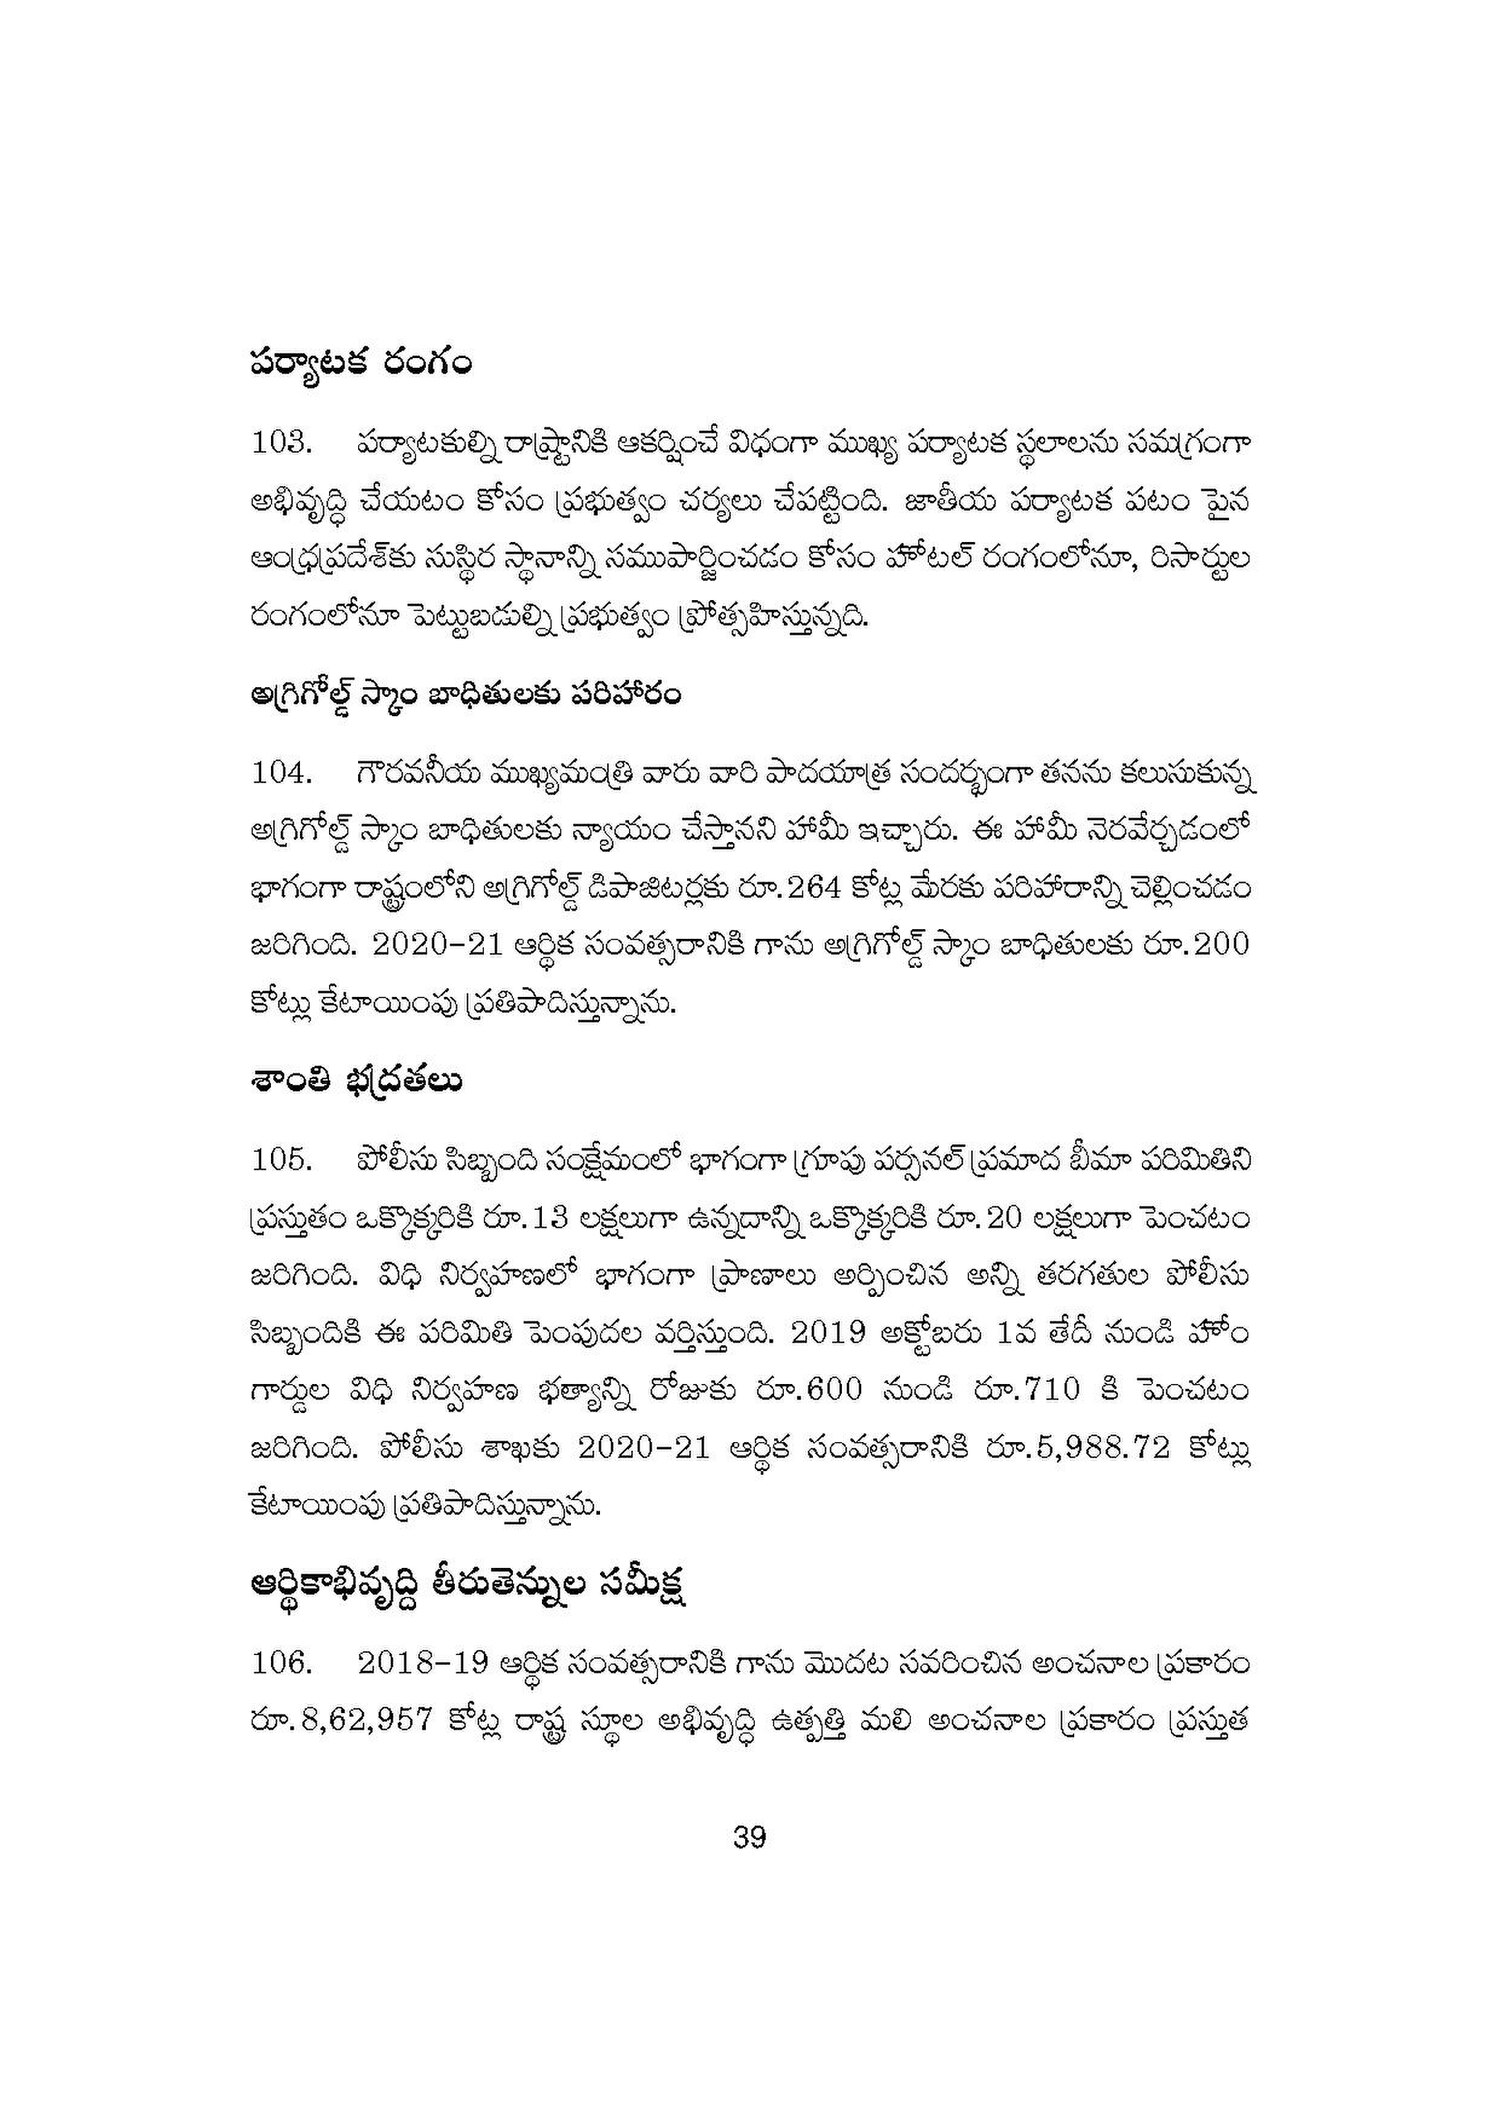పర్యాటక రంగం 

103. పర్యాటకుల్ని రాష్ట్రానికి ఆకర్షించే విధంగా ముఖ్య పర్యాటక స్థలాలను సమగ్రంగా అభివృద్ధి చేయటం కోసం ప్రభుత్వం చర్యలు చేపట్టింది.
జాతీయ పర్యాటక పటం పైన ఆంధ్రప్రదేశ్ కు సుస్థిర స్థానాన్ని సముపార్జించడం కోసం హోటల్ రంగంలోనూ, రిసార్టుల రంగంలోనూ పెట్టుబడుల్ని ప్రభుత్వం ప్రోత్సహిస్తున్నది. 

అగ్రిగోల్డ్ స్కాం బాధితులకు పరిహారం 

104. గౌరవనీయ ముఖ్యమంత్రి వారు వారి పాదయాత్ర సందర్భంగా తనను కలుసుకున్న అగ్రిగోల్డ్ స్కాం బాధితులకు న్యాయం చేస్తానని హామీ ఇచ్చారు. ఈ హామీ నెరవేర్చడంలో భాగంగా రాష్ట్రంలోని అగ్రిగోల్డ్ డిపాజిటర్లకు రూ.264 కోట్ల మేరకు పరిహారాన్ని చెల్లించడం జరిగింది. 2020-21 ఆర్థిక సంవత్సరానికి గాను అగ్రిగోల్డ్ స్కాం బాధితులకు రూ.200 కోట్లు కేటాయింపు ప్రతిపాదిస్తున్నాను. 

శాంతి భద్రతలు 

105. పోలీసు సిబ్బంది సంక్షేమంలో భాగంగా గ్రూపు పర్సనల్ ప్రమాద బీమా పరిమితిని ప్రస్తుతం ఒక్కొక్కరికి రూ.13 లక్షలుగా ఉన్నదాన్ని ఒక్కొక్కరికి రూ. 20 లక్షలుగా పెంచటం జరిగింది. విధి నిర్వహణలో భాగంగా ప్రాణాలు అర్పించిన అన్ని తరగతుల పోలీసు సిబ్బందికి ఈ పరిమితి పెంపుదల వర్తిస్తుంది. 2019 అక్టోబరు 1వ తేదీ నుండి హోం గార్డుల విధి నిర్వహణ భత్యాన్ని రోజుకు రూ.600 నుండి రూ.710 కి పెంచటం జరిగింది. పోలీసు శాఖకు 2020-21 ఆర్థిక సంవత్సరానికి రూ.5,988.72 కోట్లు కేటాయింపు ప్రతిపాదిస్తున్నాను. 

ఆర్థికాభివృద్ది తీరుతెన్నుల సమీక్ష 

106. 2018-19 ఆర్థిక సంవత్సరానికి గాను మొదట సవరించిన అంచనాల ప్రకారం రూ.8,62,957 కోట్ల రాష్ట్ర స్థూల అభివృద్ధి ఉత్పత్తి మలి అంచనాల ప్రకారం ప్రస్తుత